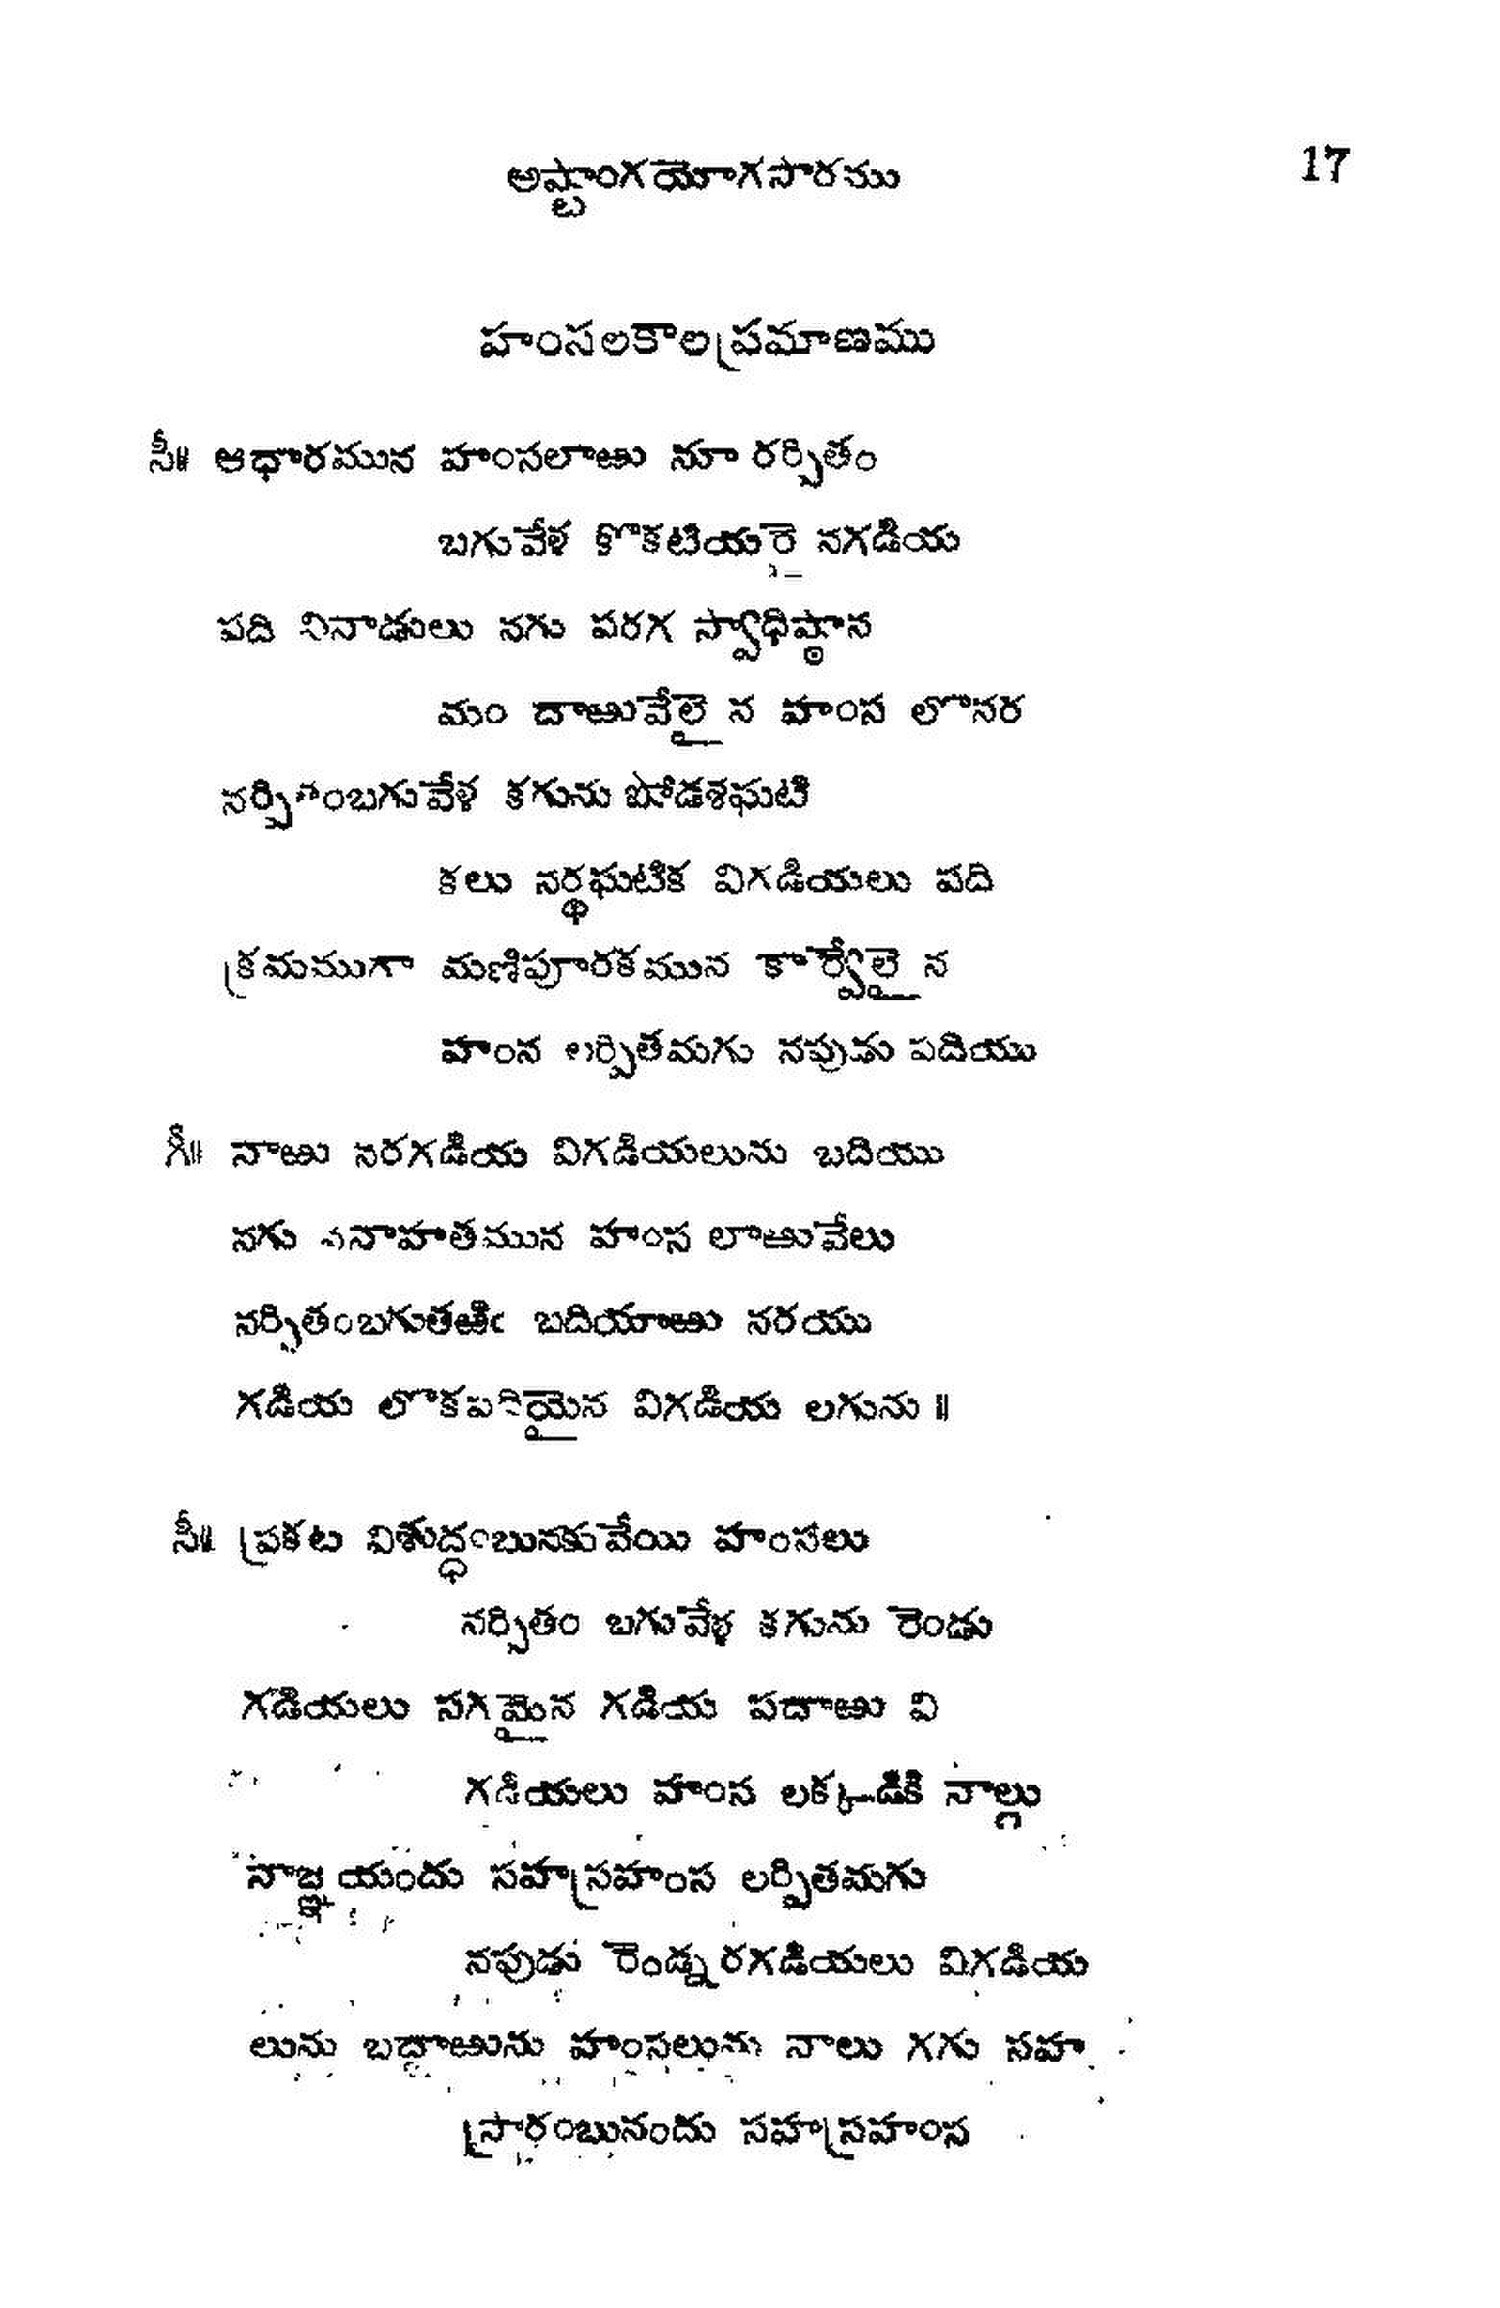సీ. ఆధారమున హంసలాఱు నూ రర్పితం
 బగువేళ కొకటియరైనగడియ
 పది వినాడులు నగు పరగ స్వాధిష్ఠాన
 మం దాఱువేలైన హంస లొనర
 నర్పితంబగువేళ కగును పోడశఘటి
 కలు నర్ధఘటిక విగడియలు పది
 క్రమముగా మణిపూరకమున కార్వేలైన
 హంస లర్పితమగు నపుడు పదియు
గీ. నాఱు నరగడియ విగడియలును బదియు
 నగు వనాహతమున హంస లాఱువేలు
 నర్సితంబగుతఱిఁ బదియాఱు నరయు
 గడియ లొకపరియైన విగడియ లగును.
సీ. ప్రకట విశుద్ధంబునకు వేయి హంసలు
 నర్పితం బగువేళ కగును రెండు
 గడియలు సగమైన గడియ పదాఱు వి
 గడియలు హంస లక్కడికి నాల్గు
 నాజ్ఞయందు సహస్రహంస లర్పితమగు
 నపుడు రెండ్నరగడియలు విగడియ
 లును బదాఱును హంసలును నాలు గగు సహ
 స్రారంబునందు సహస్రహంస